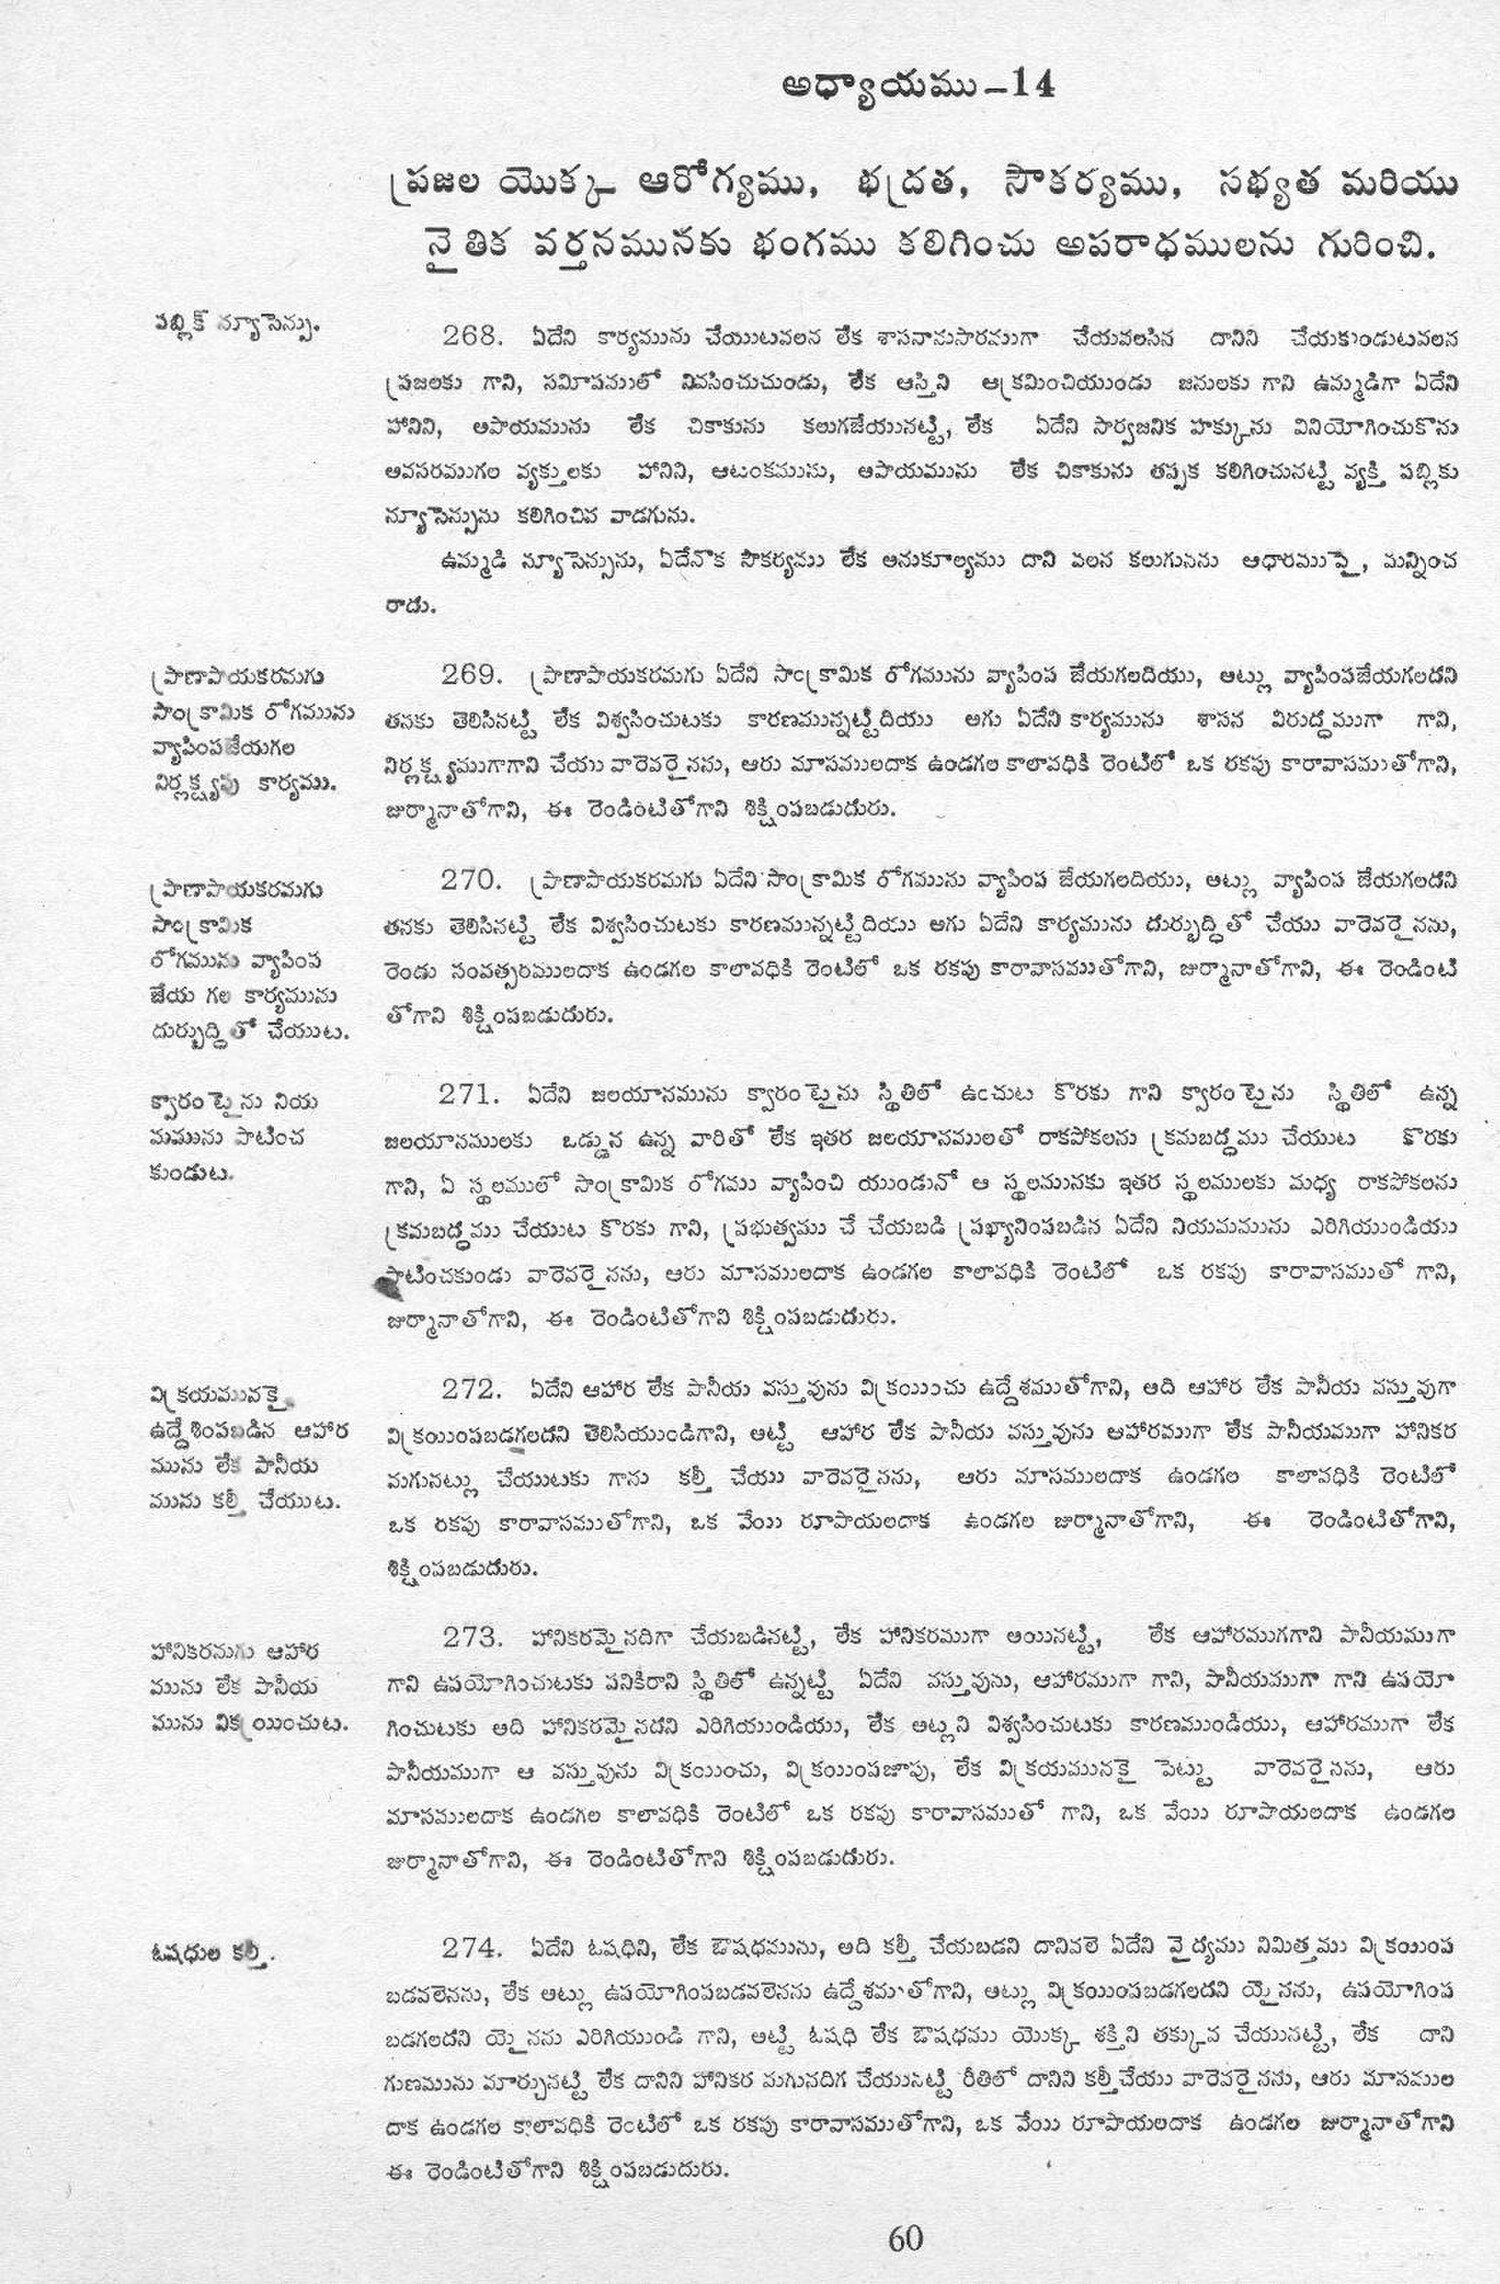పబ్లిక్ న్యూసెన్సు.

268. ఏదేని కార్యమును చేయుటవలన లేక శాసనానుసారముగా చేయవలసిన దానిని చేయకుండుటవలన ప్రజలకు గాని, సమీపములో నివసించుచుండు, లేక ఆస్తిని ఆక్రమించియుండు జనులకు గాని ఉమ్మడిగా ఏదేని హానిని, అపాయమును లేక చికాకును
కలుగజేయునట్టి, లేక ఏదేని సార్వజనిక హక్కును వినియోగించుకొను అవసరముగల వ్యక్తులకు హానిని, ఆటంకమును, అపాయమును లేక చికాకును తప్పక కలిగించునట్టి వ్యక్తి పబ్లికు న్యూసెన్సును కలిగించిన వాడగును.

ఉమ్మడి న్యూసెన్సును, ఏదేనొక సౌకర్యము లేక అనుకూల్యము. దాని వలన కలుగునను ఆధారముపై, మన్నించరాదు.

ప్రాణాపాయకరమగు పాంక్రామిక రోగమును వ్యాపింప జేయగల నిర్లక్ష్యపు కార్యము.

269. ప్రాణాపాయకరమగు ఏదేని సాంక్రామిక రోగమును వ్యాపింప జేయగలదియు, ఆట్లు వ్యాపింపజేయగలదని
తనకు తెలిసినట్టి లేక విశ్వసించుటకు కారణమున్నట్టిదియు అగు ఏదేని కార్యమును శాసన విరుద్ధముగా గాని,
నిర్లక్ష్యముగా గాని చేయు వారెవరైనను, ఆరు మాసములదాక ఉండగల కాలావధికి రెంటిలో ఒక రకపు కారావాసముతోగాని,
జుర్మానాతోగాని, ఈ రెండింటితోగాని శిక్షింపబడుదురు.

ప్రాణాపాయకరమగు పాంక్రామిక రోగమును వ్యాపింప జేయ గల కార్యమును దుర్బుద్ధి తో చేయుట.

270. ప్రాణాపాయకరమగు ఏదేని సాంక్రామిక రోగమును వ్యాపింప జేయగలదియు, ఆట్ల వ్యాపింప జేయగలదని
తనకు తెలిసినట్టి లేక విశ్వసించుటకు కారణమున్నట్టిదియు అగు ఏదేని కార్యమును దుర్భుద్ధి తో చేయు వారెవరైనను,
రెండు సంవత్సరములదాక ఉండగల కాలావధికి రెంటిలో ఒక రకపు కారావాసముతో గాని, జుర్మానాతోగాని, ఈ రెండింటి
తోగాని శిక్షింపబడుదురు.

క్వారం టైను నియమమును పాటించకుండుట.

271. ఏదేని జలయానమును క్వారం టైను స్థితిలో ఉంచుట కొరకు గాని క్వారం టైను స్థితిలో ఉన్న జలయానములకు ఒడ్డున ఉన్న వారితో లేక ఇతర జలయానములతో రాకపోకలను క్రమబద్ధము చేయు కొరకు గాని, ఏ స్థలములో సాంక్రామిక రోగము వ్యాపించి యుండునో ఆ స్థలమునకు ఇతర స్థలములకు మధ్య రాకపోకలను క్రమబద్ధము చేయుట కొరకు గాని, ప్రభుత్వము చే చేయబడి ప్రఖ్యానింపబడిన ఏదేని నియమమును ఎరిగియుండియు పాటించకుండు వారెవరైనను, ఆరు మాసములదాక ఉండగల కాలావధికి రెంటిలో ఒక రకపు కారావాసముతో గాని, జుర్మానా తో గాని, ఈ రెండింటితో గాని శిక్షింపబడుదురు.

విక్రయమునకై ఉద్దేశింపబడిన ఆహారమును లేక పానీయమును కర్తీ చేయుట.

272. ఏదేని ఆహార లేక పానీయ వస్తువును విక్రయించు ఉద్దేశముతో గాని, ఆది ఆహార లేక పానీయ వస్తువుగా విక్రయింపబడగలదని తెలిసియుండిగాని, అట్టి ఆహార లేక పానీయ వస్తువును ఆహారముగా లేక పానీయముగా హానికరమగునట్లు చేయుటకు గాను కల్తీ చేయు వారెవరైనను,ఆరు మాసములదాక ఉండగల కాలావధికి రెంటిలో ఒక రకపు కారావాసముతోగాని, ఒక వేయి రూపాయలదాక ఉండగల జుర్మానాతోగాని, ఈ రెండింటితోగాని, శిక్షింపబడుదురు.

హానికరమగు ఆహారమును లేక పానీయమును విక్రయించుట.

273. హానికరమైనదిగా చేయబడినట్టి, లేక హానికరముగా అయినట్టి, లేక ఆహారముగగాని పానీయముగా గాని ఉపయోగించుటకు పనికిరాని స్థితిలో ఉన్నట్టి ఏదేని వస్తువును, ఆహారముగా గాని, పానీయముగా గాని ఉపయోగించుటకు అది హానికరమై నదని ఎరిగియుండియు, లేక అట్లని విశ్వసించుటకు కారణముండియు, ఆహారముగా లేక పానీయముగా ఆ వస్తువును విక్రయించు, విక్రయింపజూపు, లేక విక్రయమునకై పెట్టు వారెవరైనను, ఆరు మాసములదాక ఉండగల కాలావధికి రెంటిలో ఒక రకపు కారావాసముతో గాని, ఒక వేయి రూపాయలదాక ఉండగల జుర్మానా తో గాని, ఈ రెండింటితోగాని శిక్షింపబడుదురు.

ఓషధుల కల్తీ.

274. ఏదేని ఓషధిని, లేక ఔషధమును, అది కల్తీ చేయబడని దానివలె ఏదేని వైద్యము నిమిత్తము విక్రయింపబడవలెనను, లేక అట్లు ఉపయోగింపబడవలెనను ఉద్దేశము తో గాని, ఆట్లు విక్రయింపబడగలదని యైనను, ఉపయోగింపబడగలదని యెనను ఎరిగియుండి గాని, అట్టి ఓషధి లేక ఔషధము యొక్క శక్తిని తక్కువ చేయునట్టి, లేక దాని గుణమును మార్చునట్టి లేక దానిని హానికర మగునదిగ చేయు నట్టి రీతిలో దానిని కల్తీ చేయు వారెవరైనను, ఆరు మాసముల దాక ఉండగల కాలావధికి రెంటిలో ఒక రకపు కారావాసముతోగాని, ఒక వేయి రూపాయలదాక ఉండగల జుర్మానా తో గాని ఈ రెండింటితోగాని శిక్షింపబడుదురు.